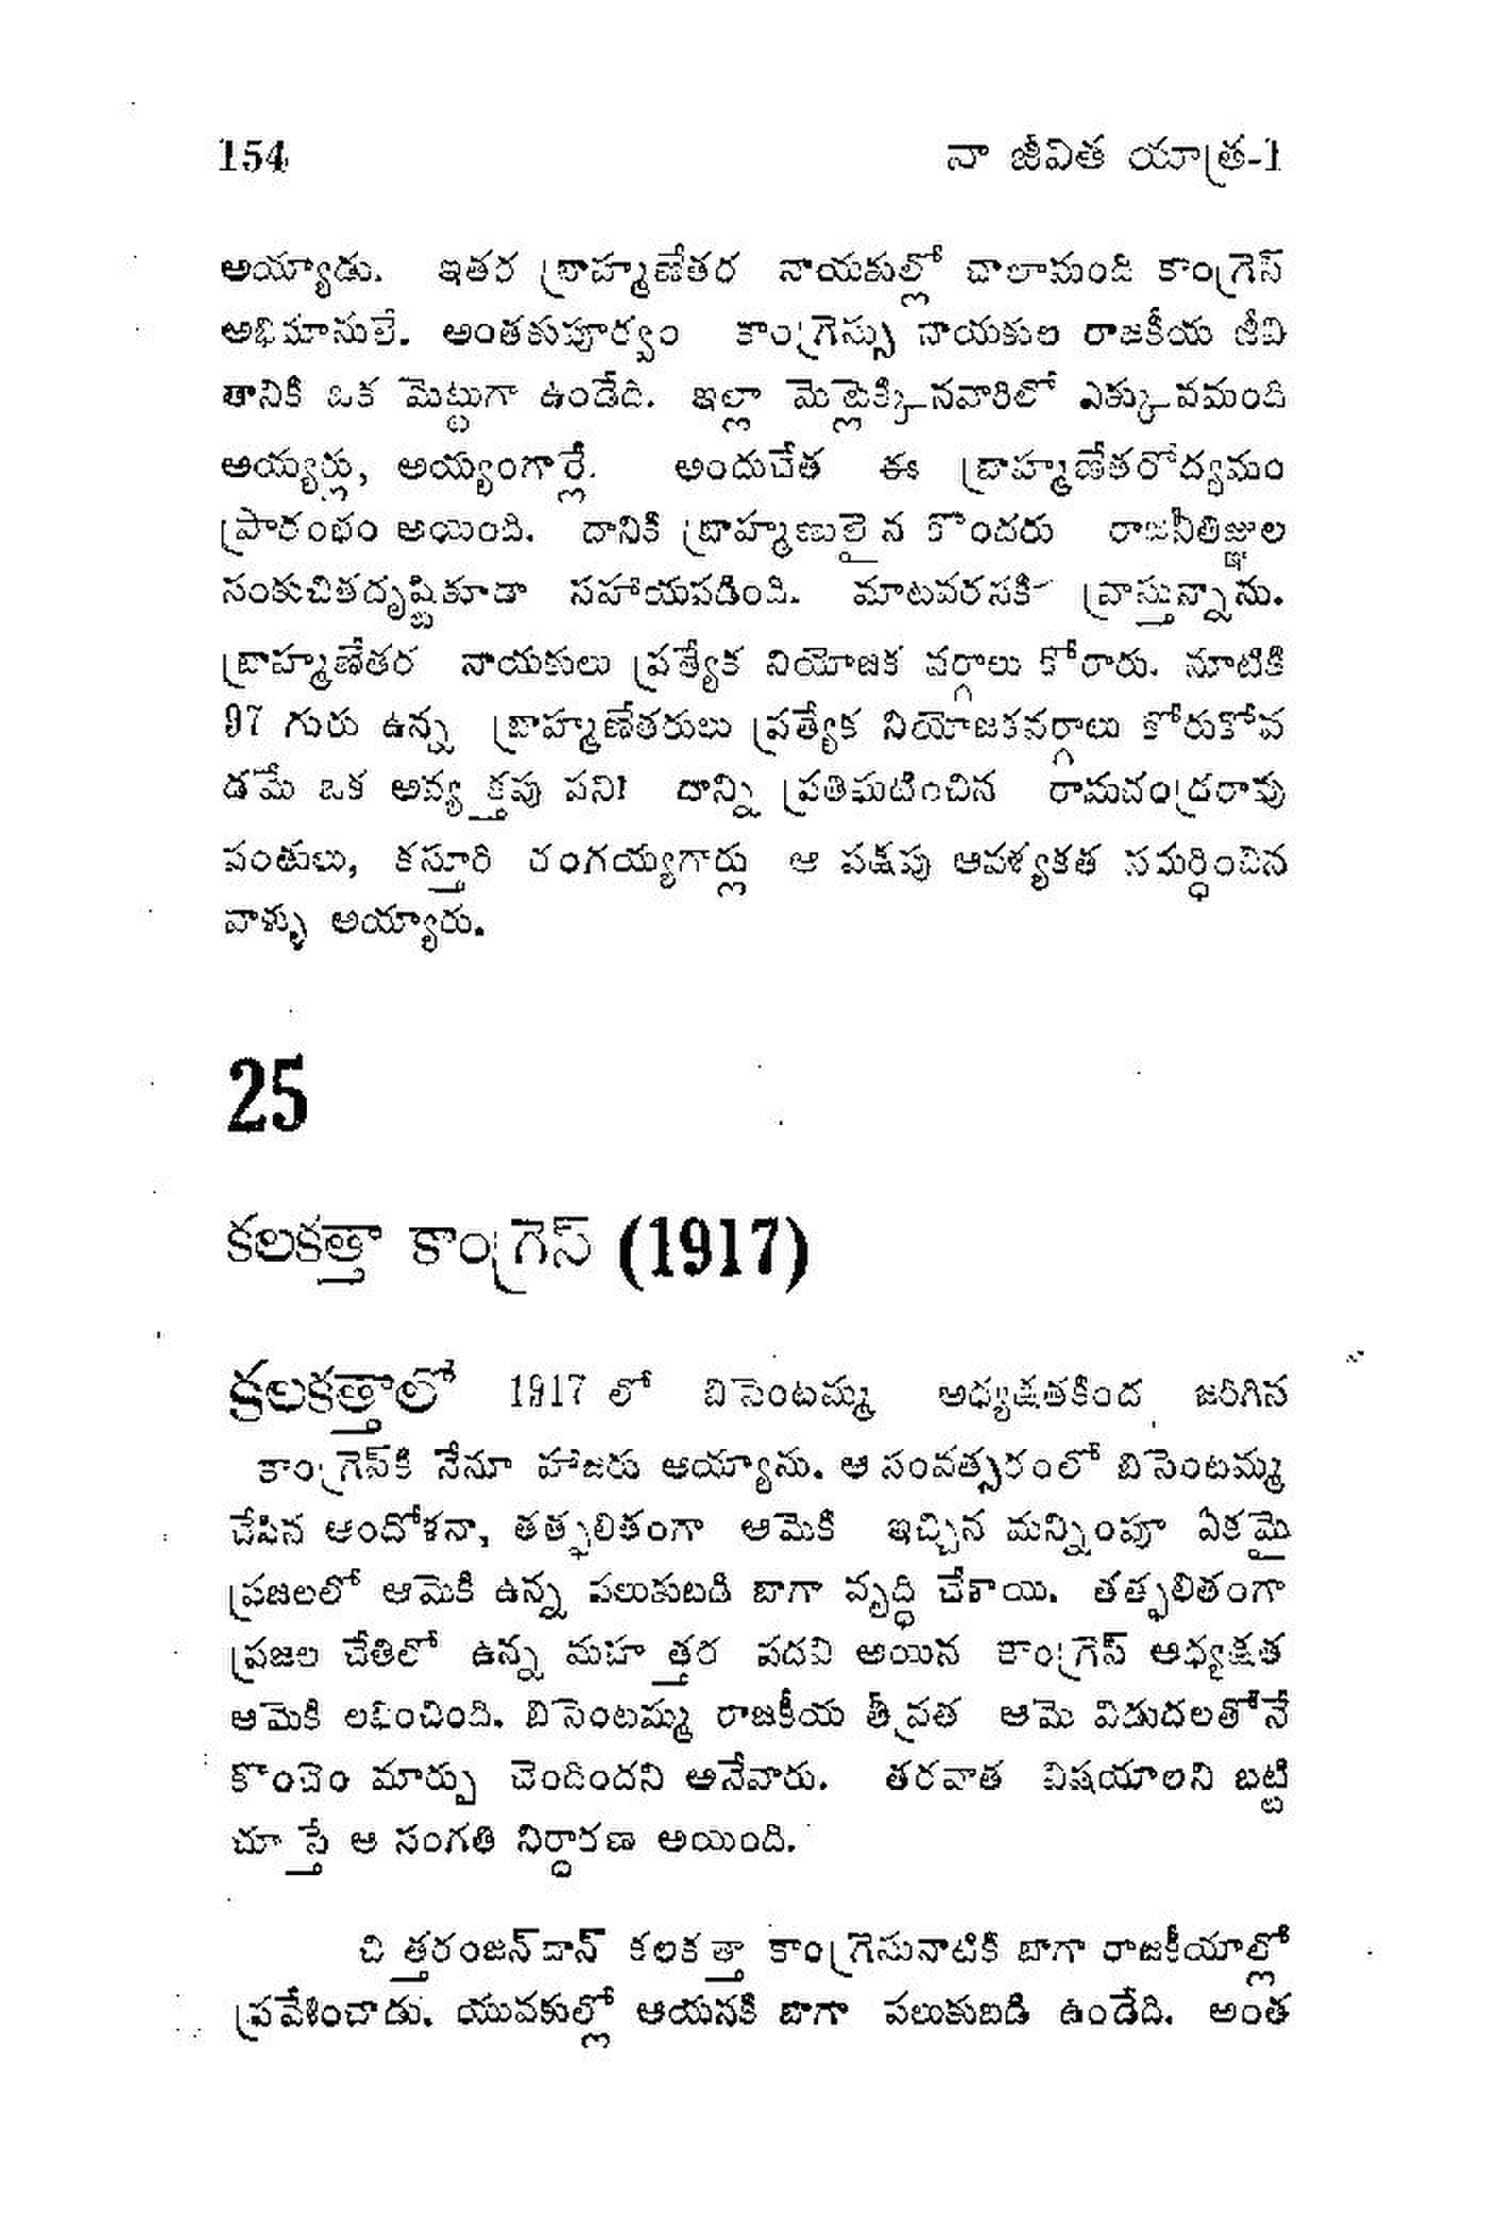అయ్యాడు. ఇతర బ్రాహ్మణేతర నాయకుల్లో చాలామంది కాంగ్రెస్ అభిమానులే. అంతకుపూర్వం కాంగ్రెస్సు నాయకుల రాజకీయ జీవితానికి ఒక మెట్టుగా ఉండేది. ఇల్లా మెట్లెక్కినవారిలో ఎక్కువమంది అయ్యర్లు, అయ్యంగార్లే. అందుచేత ఈ బ్రాహ్మణేతరోద్యమం ప్రారంభం అయింది. దానికి బ్రాహ్మణులైన కొందరు రాజనీతిజ్ఞుల సంకుచితదృష్టికూడా సహాయపడింది. మాటవరసకి వ్రాస్తున్నాను. బ్రాహ్మణేతర నాయకులు ప్రత్యేక నియోజక వర్గాలు కోరారు. నూటికి 97 గురు ఉన్న బ్రాహ్మణేతరులు ప్రత్యేక నియోజకవర్గాలు కోరుకోవడమే ఒక అవ్యక్తపు పని! దాన్ని ప్రతిఘటించిన రామచంద్రరావు పంతులు, కస్తూరి రంగయ్యగార్లు ఆ పక్షపు అవశ్యకత సమర్ధించిన వాళ్ళు అయ్యారు.

కలకత్తాలో 1917 లో బిసెంటమ్మ అధ్యక్షతకింద జరిగిన కాంగ్రెస్‌కి నేనూ హాజరు అయ్యాను. ఆ సంవత్సరంలో బిసెంటమ్మ చేసిన ఆందోళనా, తత్ఫలితంగా ఆమెకి ఇచ్చిన మన్నింపూ ఏకమై ప్రజలలో ఆమెకి ఉన్న పలుకుబడి బాగా వృద్ధి చేశాయి. తత్ఫలితంగా ప్రజల చేతిలో ఉన్న మహత్తర పదవి అయిన కాంగ్రెస్ అధ్యక్షత ఆమెకి లభించింది. బిసెంటమ్మ రాజకీయ తీవ్రత ఆమె విడుదలతోనే కొంచెం మార్పు చెందిందని అనేవారు. తరవాత విషయాలని బట్టి చూస్తే ఆ సంగతి నిర్ధారణ అయింది.

చిత్తరంజన్‌దాస్ కలకత్తా కాంగ్రెసునాటికి బాగా రాజకీయాల్లో ప్రవేశించాడు. యువకుల్లో ఆయనకి బాగా పలుకుబడి ఉండేది. అంత